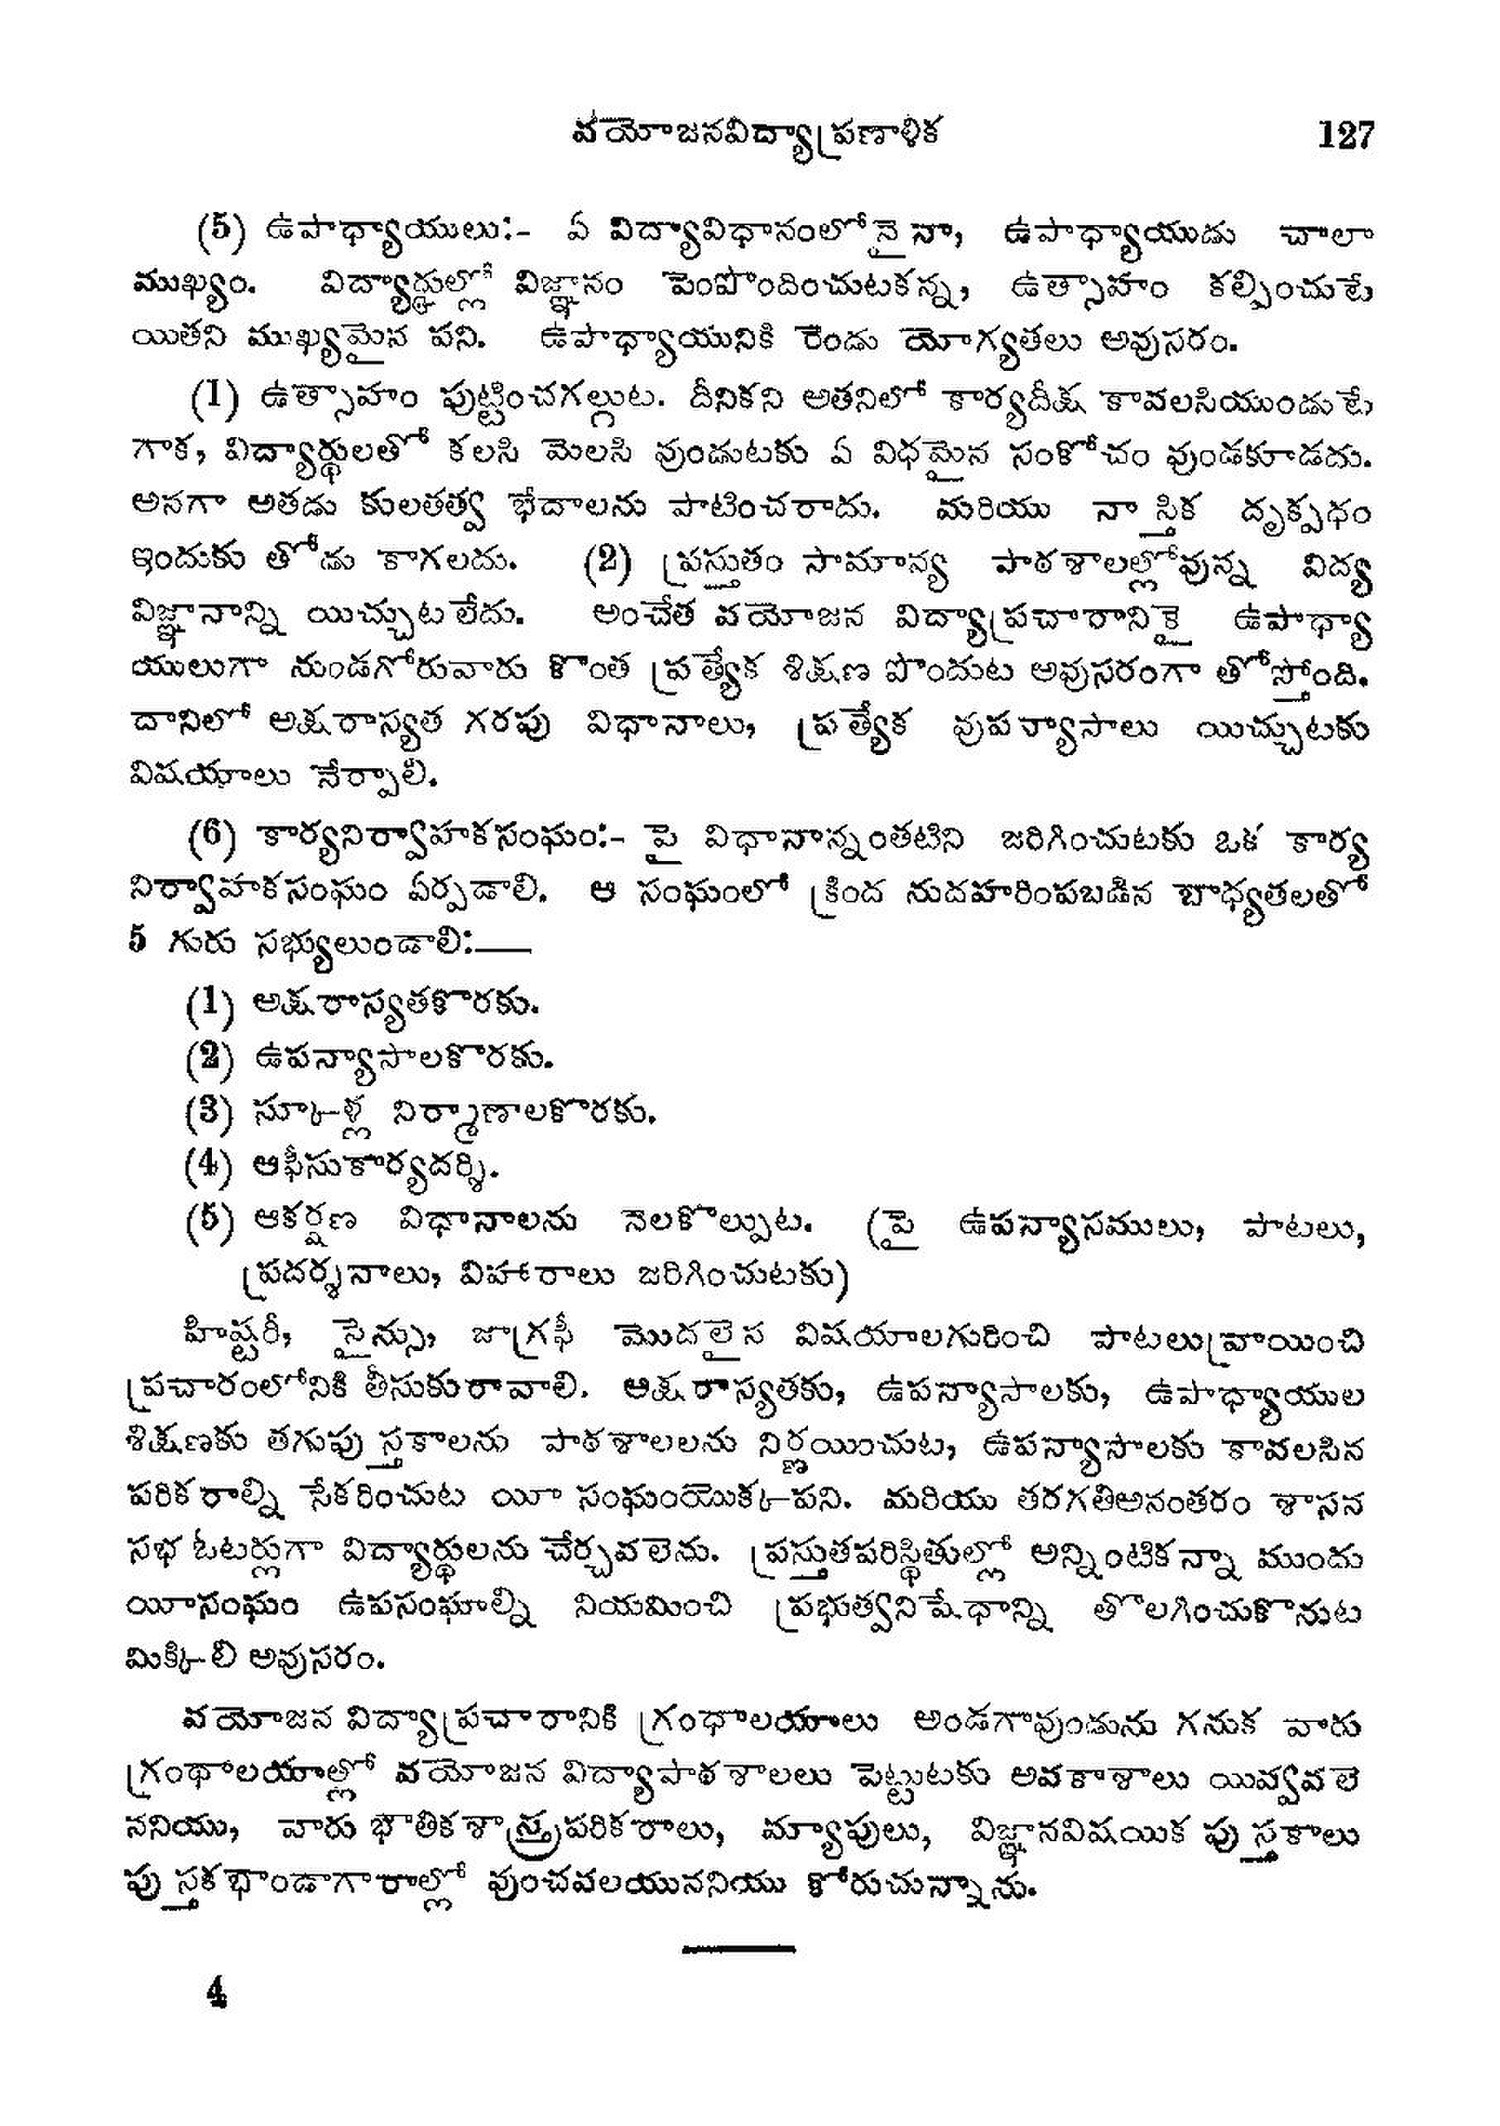(5) ఉపాధ్యాయులు:- ఏ విద్యావిధానంలోనైనా, ఉపాధ్యాయుడు చాలా
ముఖ్యం. విద్యార్థుల్లో విజ్ఞానం పెంపొందించుటకన్న, ఉత్సాహం కల్పించుటే
యితని ముఖ్యమైన పని. ఉపాధ్యాయునికి రెండు యోగ్యతలు అవుసరం.
(1) ఉత్సాహం పుట్టించగల్గుట. దీనికని అతనిలో కార్యదీక్ష కావలసియుండుటే గాక, విద్యార్థులతో కలసి మెలసి వుండుటకు ఏ విధమైన సంకోచం వుండకూడదు. అనగా అతడు కులతత్వ భేదాలను పాటించరాదు. మరియు నాస్తిక దృక్పధం ఇందుకు తోడు కాగలదు. 
(2) ప్రస్తుతం సామాన్య పాఠశాలల్లోవున్న విద్య విజ్ఞానాన్ని యిచ్చుట లేదు. అంచేత వయోజన విద్యాప్రచారానికై ఉపాధ్యాయులుగా నుండగోరువారు కొంత ప్రత్యేక శిక్షణ పొందుట అవుసరంగా తోస్తోంది. దానిలో అక్షరాస్యత గరపు విధానాలు, ప్రత్యేక వుపన్యాసాలు యిచ్చుటకు విషయాలు నేర్పాలి.
(6) కార్యనిర్వాహక సంఘం:- పై విధానాన్నంతటిని జరిగించుటకు ఒక కార్య
నిర్వాహక సంఘం ఏర్పడాలి. ఆ సంఘంలో క్రింద నుదహరింపబడిన బాధ్యతలతో
5 గురు సభ్యులుండాలి:—
(1) అక్షరాస్యతకొరకు.
(2) ఉపన్యాసాల కొరకు.
(3) స్కూళ్ల నిర్మాణాల కొరకు,
(4) ఆఫీసుకార్యదర్శి.
(5) ఆకర్షణ విధానాలను నెలకొల్పుట. 
(పై ఉపన్యాసములు, పాటలు, ప్రదర్శనాలు, విహారాలు జరిగించుటకు) హిస్టరీ, సైన్సు, జాగ్రఫీ మొదలైన విషయాలగురించి పాటలు వ్రాయించి ప్రచారంలోనికి తీసుకురావాలి. అక్షరాస్యతకు, ఉపన్యాసాలకు, ఉపాధ్యాయుల శిక్షణకు తగు పుస్తకాలను పాఠశాలలను నిర్ణయించుట, ఉపన్యాసాలకు కావలసిన పరికరాల్ని సేకరించుట యీ సంఘంయొక్క పని. మరియు తరగతిఅనంతరం శాసనసభ ఓటర్లుగా విద్యార్థులను చేర్చవలెను. ప్రస్తుత పరిస్థితుల్లో అన్నింటికన్నా ముందు యీసంఘం ఉపసంఘాల్ని నియమించి ప్రభుత్వనిషేధాన్ని తొలగించుకొనుట మిక్కిలి అవుసరం.

వయోజన విద్యాప్రచారానికి గ్రంథాలయాలు అండగావుండును గనుక వారు
గ్రంథాలయాల్లో వయోజన విద్యాపాఠశాలలు పెట్టుటకు అవకాశాలు యివ్వవలె
ననియు, వారు భౌతిక శాస్త్రపరికరాలు, మ్యాపులు, విజ్ఞానవిషయిక పుస్తకాలు
పుస్తక భాండాగారాల్లో వుంచవలయుననియు కోరుచున్నాను.